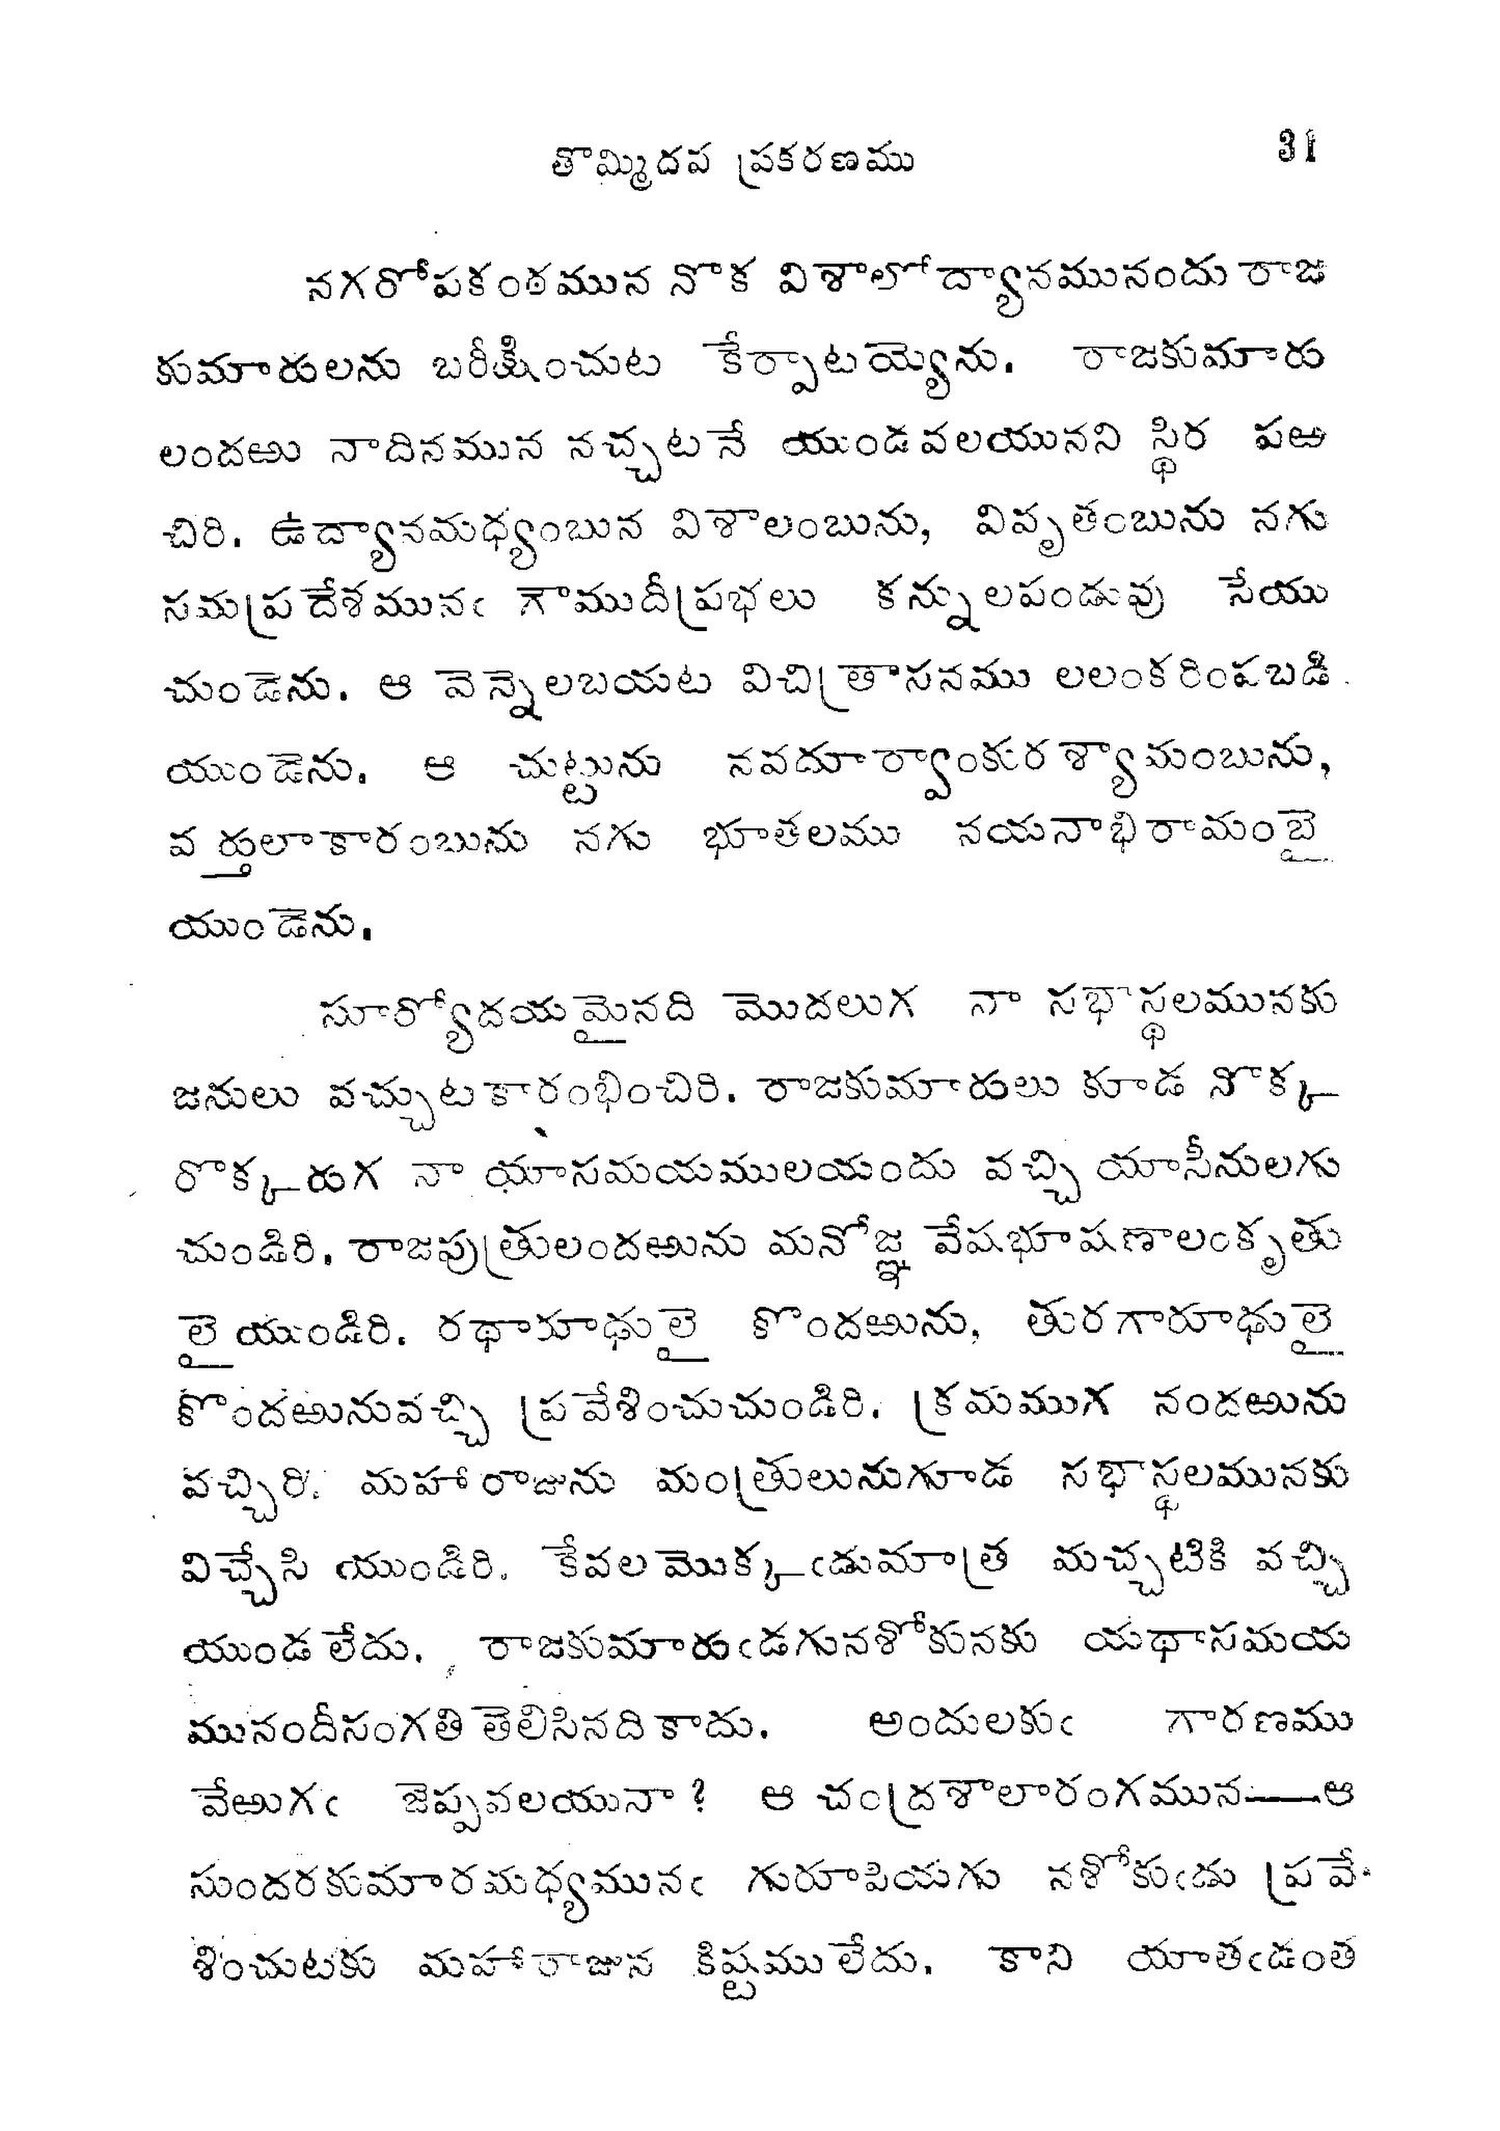నగరోపకంఠమున నొక విశాలో ద్యానమునందు రాజకుమారులను బరీక్షించుట కేర్పాటయ్యెను. రాజకుమారు లందఱు నాదినమున నచ్చట నే యుండవలయునని స్థిర పఱచిరి. ఉద్యానమధ్యంబున విశాలంబును, వివ్రతంబును నగు సమప్ర దేశమునఁ గౌముదీ ప్రభలు కన్నులపండువు సేయుచుండెను. ఆ వెన్నెలబయట విచిత్రాసనము లలంకరించబడి యుండెను. ఆ చుట్టును నవదూర్వాంకుర శ్యామంబును, వర్తులా కారంబును నగు భూతలము నయనాభిరామంబై యుండెను.

సూర్యోదయమైనది మొదలుగ నా సభాస్థలమునకు జనులు వచ్చుటకారంభించిరి. రాజకుమారులు కూడ నొక్కరొక్కరుగ నా యాసమయములయందు వచ్చి యాసీనులగు
చుండిరి. రాజపుత్రులందఱును మనోజ్ఞ వేష భూషణాలంకృతులై యుండిరి. రథారూఢులై కొందఱును, తురగారూఢులై కొందఱును వచ్చి ప్రవేశించుచుండిరి. క్రమముగ నందఱును
వచ్చిరి. మహా రాజును మంత్రులునుగూడ సభాస్థలమునకు విచ్చేసి యుండిరి. కేవల మొక్కఁడుమాత్ర మచ్చటికి వచ్చియుండ లేదు. రాజకుమారుఁడగునశోకునకు యథాసమయ
మునందీసంగతి తెలిసినది కాదు. అందులకుఁ గారణము వేఱుగఁ జెప్పవలయునా? ఆ చంద్రశాలారంగమున—— ఆ సుందర కుమార మధ్యమునఁ గురూపియగు నశోకుఁడు ప్రవే
శించుటకు మహా రాజున కిష్టము లేదు. కాని యాతఁడంత